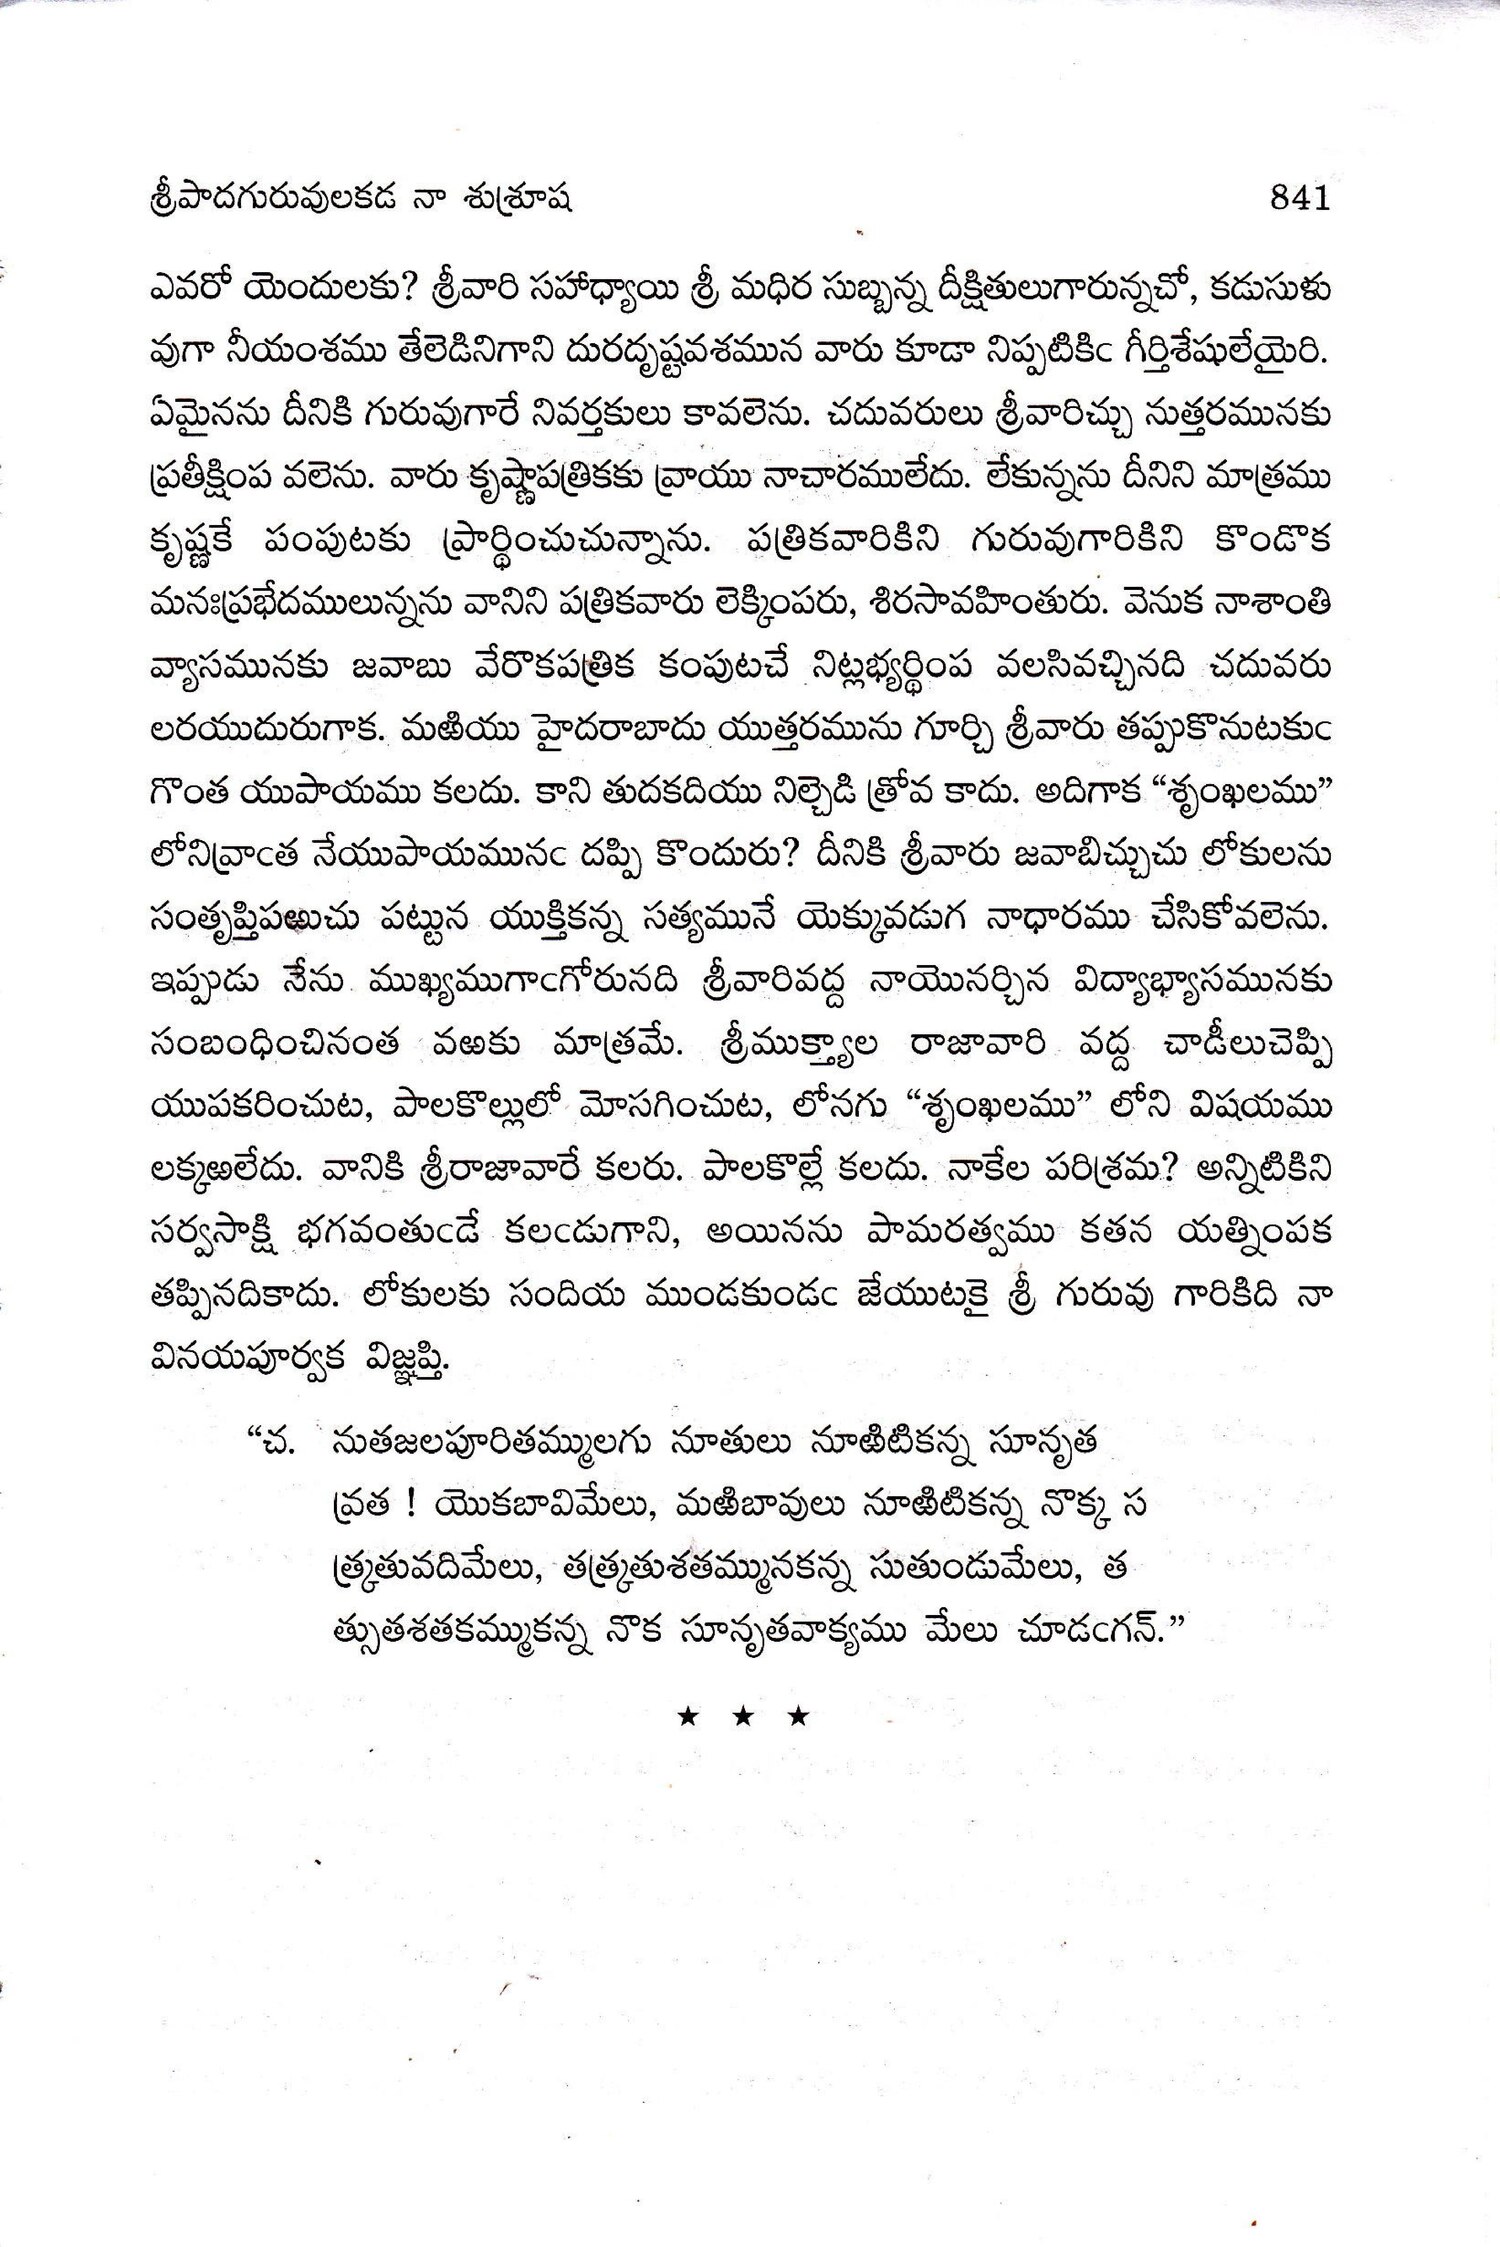ఎవరో యెందులకు? శ్రీవారి సహాధ్యాయి శ్రీ మధిర సుబ్బన్న దీక్షితులుగారున్నచో, కడుసుళువుగా నీయంశము తేలెడినిగాని దురదృష్టవశమున వారు కూడా నిప్పటికిఁ గీర్తిశేషులేయైరి. ఏమైనను దీనికి గురువుగారే నివర్తకులు కావలెను. చదువరులు శ్రీవారిచ్చు నుత్తరమునకు ప్రతీక్షింప వలెను. వారు కృష్ణాపత్రికకు వ్రాయు నాచారములేదు. లేకున్నను దీనిని మాత్రము కృష్ణకే పంపుటకు ప్రార్ధించుచున్నాను. పత్రికవారికిని గురువుగారికిని కొండొక మనఃప్రభేదములున్నను వానిని పత్రికవారు లెక్కింపరు, శిరసావహింతురు. వెనుక నాశాంతి వ్యాసమునకు జవాబు వేరొకపత్రిక కంపుటచే నిట్లభ్యర్ధింప వలసివచ్చినది చదువరు లరయుదురుగాక. మఱియు హైదరాబాదు యుత్తరమును గూర్చి శ్రీవారు తప్పుకొనుటకుc గొంత యుపాయము కలదు. కాని తుదకదియు నిల్చెడి త్రోవ కాదు. అదిగాక "శృంఖలము" లోనివ్రాఁత నేయుపాయమునఁ దప్పి కొందురు? దీనికి శ్రీవారు జవాబిచ్చుచు లోకులను సంతృప్తిపఱుచు పట్టున యుక్తికన్న సత్యమునే యెక్కువడుగ నాధారము చేసికోవలెను. ఇప్పుడు నేను ముఖ్యముగాఁగోరునది శ్రీవారివద్ద నాయొనర్చిన విద్యాభ్యాసమునకు సంబంధించినంత వఱకు మాత్రమే. శ్రీముక్త్యాల రాజావారి వద్ద చాడీలుచెప్పి యుపకరించుట, పాలకొల్లులో మోసగించుట, లోనగు "శృంఖలము” లోని విషయము లక్కఱలేదు. వానికి శ్రీరాజావారే కలరు. పాలకొల్లే కలదు. నాకేల పరిశ్రమ? అన్నిటికిని సర్వసాక్షి భగవంతుఁడే కలఁడుగాని, అయినను పామరత్వము కతన యత్నింపక తప్పినదికాదు. లోకులకు సందియ ముండకుండఁ జేయుటకై శ్రీ గురువు గారికిది నా వినయపూర్వక విజ్ఞప్తి

"చ. నుతజలపూరితమ్ములగు నూతులు నూఱిటికన్న సూనృత
 వ్రత ! యొకబావివేులు, మఱిబావులు నూఱిటికన్న నొక్క స 
 త్క్రతువదిమేలు, తత్ర్కతుశతమ్మునకన్న సుతుండుమేలు, త 
 త్సుతశతకమ్ముకన్న నొక సూనృతవాక్యము మేలు చూడంగన్."